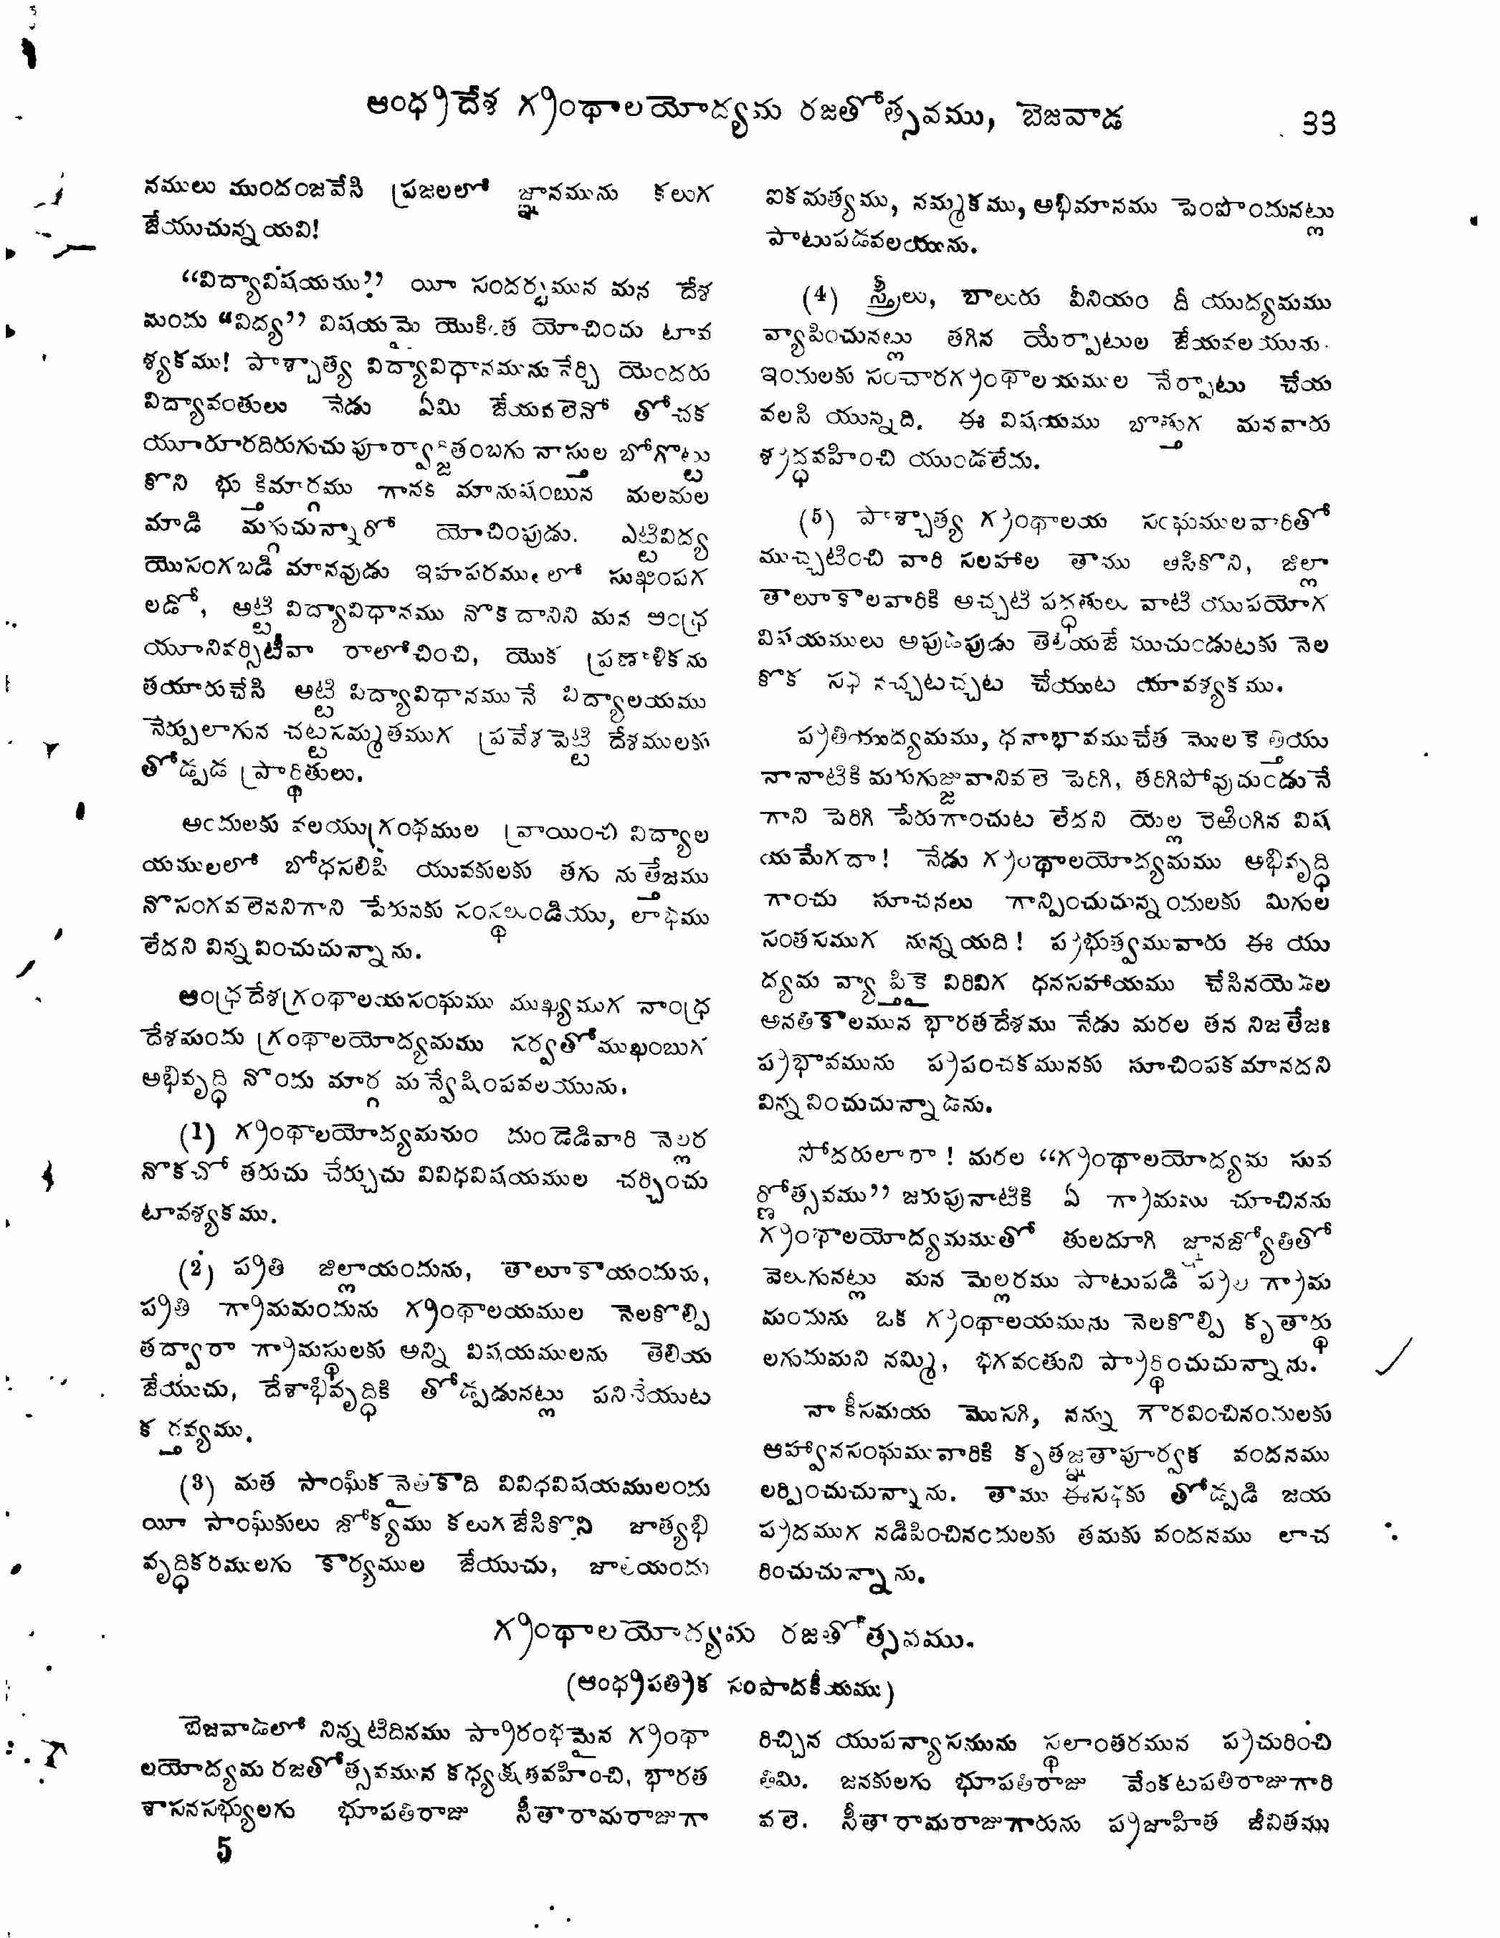నములు ముందంజవేసి ప్రజలలో జ్ఞానమును కలుగ జేయుచున్న యవి!

"విద్యావిషయము" యీ సందర్భమున మన దేశమందు “విద్య" విషయమై యొక్కిత యోచించు టావశ్యకము! పాశ్చాత్య విద్యా విధానమును నేర్చి యెందరు విద్యావంతులు వేడు ఏమి జేయవలెనో తోచక యూరూరదిరుగుచు పూర్వార్జితంబగు వాస్తుల బోగొట్టు
కొని భుక్తి మార్గము గానక మానుషంబున మలమల మాడి మగుచున్నారో యోచింపుడు. ఎట్టివిద్యయొసంగబడి మానవుడు 
ఇహపరములలో సుఖింపగలడో, అట్టి విద్యావిధానము నొక దానిని మన ఆంధ్ర యూనివర్సిటీవా రాలోచించి, యొక ప్రణాళికను తయారుచేసి అట్టి విద్యావిధానమునే విద్యాలయము నేర్పులాగున చట్టసమ్మతముగ ప్రవేశ పెట్టి దేశములకు తోడ్పడ ప్రార్థితులు.

అందులకు వలయుగ్రంథముల వ్రాయించి విద్యాలయములలో బోధసలిపి యువకులకు తగు నుతేజము నొసంగవలెననిగాని పేరునకు సంస్థలుండియు, లాభము లేదని విన్న వించుచున్నాను. 

ఆంధ్రదేశ గ్రంథాలయ సంఘము ముఖ్యముగ నాంధ్ర దేశమందు గ్రంథాలయోద్యమము సర్వతో ముఖంబుగ అభివృద్ధి నొందు మార్గ మనేషింపవలయును.

(1) గ్రంథాలయోద్యమముం దుండెడివారి నెల్లర నొకచో తరుచు చేర్చుచు వివిధవిషయములు చర్చించు టావశ్యకము.

(2) ప్రతి జిల్లాయందును, తాలూకాయందును, ప్రతి గ్రామమందును గ్రంథాలయముల నెలకొల్పి తద్వారా గ్రామస్థులకు 
అన్ని విషయములను తెలియ జేయుచు, దేశాభివృద్ధికి తోడ్పడునట్లు పనిచేయుట కర్తవ్యము.

(3) మత సాంఘిక నైతికాది వివిధవిషయములందు యీ సాంఘికులు జోక్యము కలుగజేసికొని జాత్యభివృద్ధికరములగు కార్యముల జేయుచు, జాతి యందు ఐకమత్యము, నమ్మకము, అభిమానము పెంపొందునట్లు పాటుపడవలయును.

(4) స్త్రీలు, బాలురు వీనియందీ యుద్యమము వ్యాపించునట్లు తగిన యేర్పాటుల జేయవలయును. ఇందులకు సంచార
గ్రంథాలయముల నేర్పాటు చేయవలసి యున్నది. ఈ విషయము బొత్తుగ మనవారు శ్రద్ధవహించి యుండలేదు.

(5) పాశ్చాత్య గ్రంథాలయ సంఘముల వారితో ముచ్చటించి వారి సలహాల తాము తీసికొని, జిల్లా తాలూకాలవారికి అచ్చటి పద్దతులు వాటి యుపయోగపడు విషయములు అపుడప్పుడే తెలియజే యుచుండుటకు నెల కొక సన ఇచ్చటచ్చట చేయుట యావశ్యకము.

ప్రతి యుద్యమము, ధనాభావము చేత మొల కెత్తియు నానాటికీ మరుగుజువానివలె పెరిగి, తరిగిపోవుచుఁడు నేగాని పెరిగి పేరు
గాంచుట లేదని యెల్ల రెఱింగిన విషయమేగదా! నేడు గ్రంథాలయోద్యమము అభివృద్ధి గాంచు సూచనలు గాన్పించుచున్నందులకు మిగుల సంతసముగ నున్నయది! ప్రభుత్వమువారు ఈ యుద్యమ వ్యాప్తికి విరివిగ ధనసహాయము చేసినయెడల అనతికాలమున 
భారతదేశము నేడు మరల తన నిజతేజః ప్రభావమును ప్రపంచమునకు సూచింపకమానదని విన్న నించుచున్నాడను.

సోదరులారా ! మగల "గ్రంథాలయోద్యమ సువర్ణోత్సవము" జరుపునాటికి ఏ గ్రాము చూచినను గ్రంథాలయోద్యమముతో తులదూగి జ్ఞానజ్యోతితో వెలుఁగునట్లు మన మెల్లరము పాటుపడి ప్రతి గ్రామమందును ఒక గ్రంథాలయమును నెలకొల్పి కృతార్థులగుదుమని 
నమ్మి, భగవంతుని ప్రార్థించుచున్నాను.

నా కీ సమయ మొసగి, నన్ను గౌరవించినందులకు, ఆహ్వాన సంఘము వారికి కృతజ్ఞతాపూర్వక వందనము లర్పించుచున్నాను. 
తాము ఈసడకు తోడ్పడి జయప్రదముగ నడిపించినందులకు తమకు వందనము లాచరించుచున్నాను.

బెజవాడలో నిన్నటిదినము ప్రారంభమైన గ్రంథాలయోద్యమ రజతోత్సవమున కధ్యక్షతవహించి, భారత శాసనసభ్యులగు భూపతిరాజు సీతారామరాజు గారిచ్చిన యుపన్యాసమును స్థలాంతరమున ప్రచురించిమి. జనకులగు భూపతిరాజు వేంకటపతిరాజుగారి వలె. 
సీతారామరాజు గారును ప్రజాహిత జీవితము